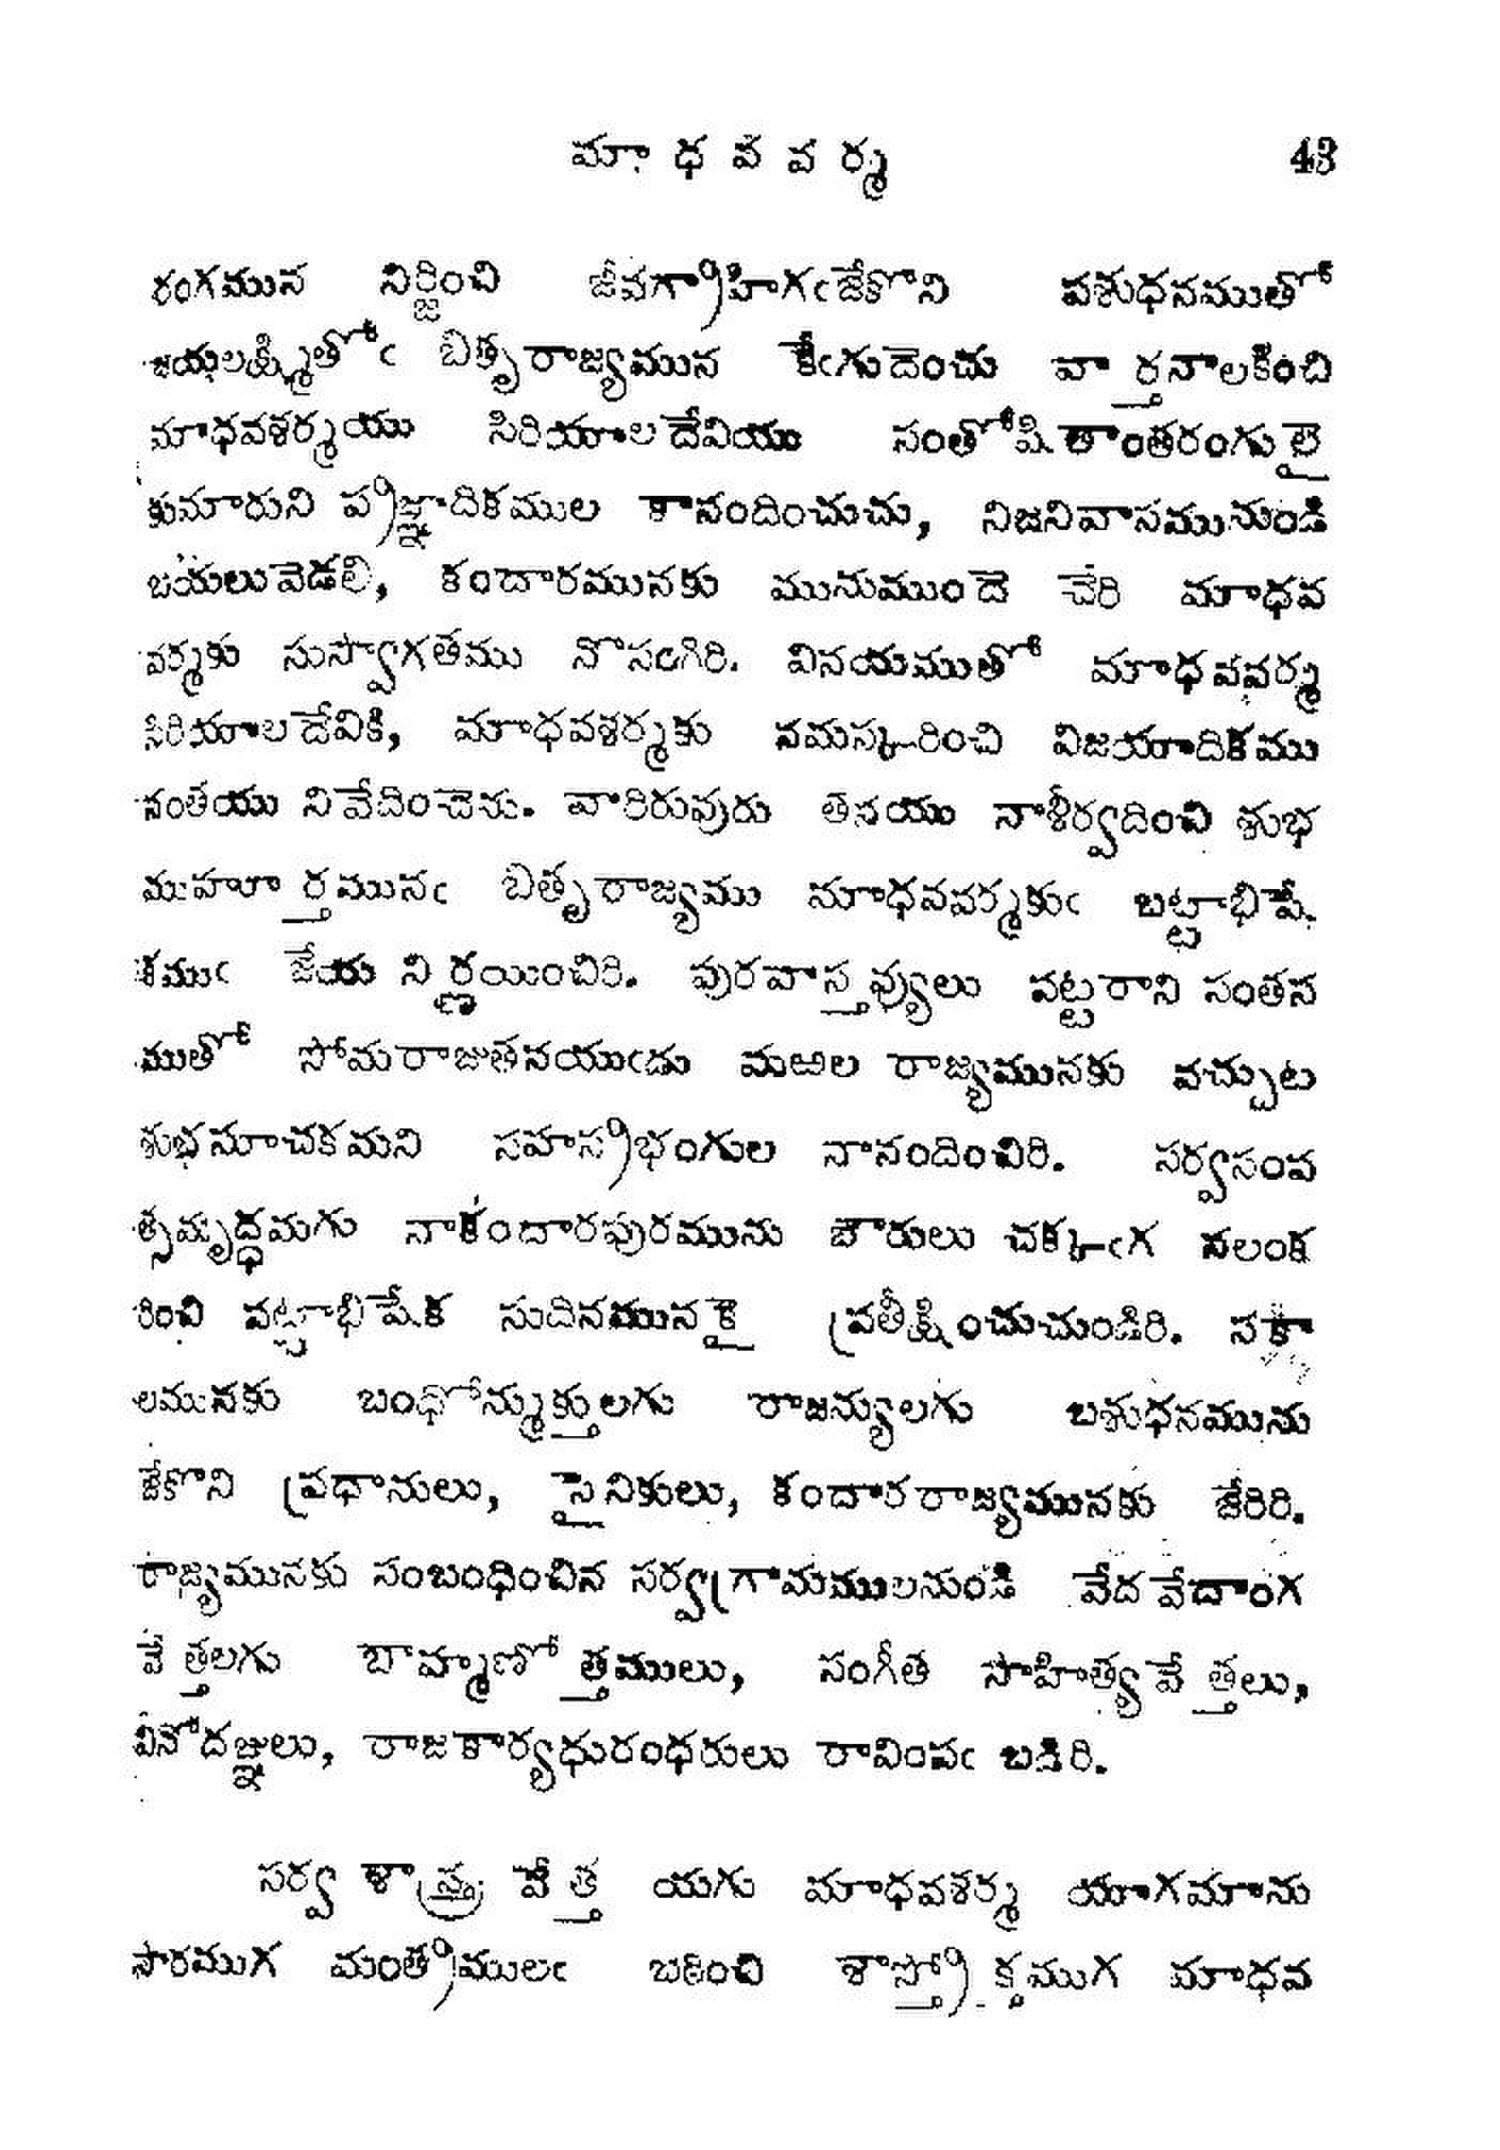రంగమున నిర్జించి జీవగ్రాహిగజేకొని పశుధనముతో జయలక్ష్మితో బితృరాజ్యమున కేగుదెంచు వార్తనాలకించి మాధవశర్మయు సిరియాలదేవియు సంతోషితాంతరంగులై కుమారుని ప్రజ్ఞాదికముల కానందించుచు, నిజనివాసమునుండి బయలువెడలి, కందారమునకు మునుముందె చేరి మాధవవర్మకు సుస్వాగతము నొసంగిరి. వినయముతో మాధవవర్మ సిరియాలదేవికి, మాధవశర్మకు నమస్కరించి విజయాదికము నంతయు నివేదించెను. వారిరువురు తనయు నాశీర్వదించి శుభముహూర్తమున బితృరాజ్యము మాధవవర్మకు బట్టాభిషేకము నిర్ణయించిరి. పురవాస్తవ్యులు పట్టరాని సంతసముతో సోమరాజుతనయుడు మఱల రాజ్యమునకు వచ్చుట శుభసూచకమని సహస్రభంగుల నానందించిరి. సర్వసంపత్సమృద్ధమగు నాకందారపురమును బౌరులు చక్కగ నలంకరించి పట్టాభిషేక సుదినమునకై ప్రతీక్షించుచుండిరి. సకాలమునకు బంధోన్ముక్తులగు రాజన్యులగు బశుధనమును జేకొని ప్రధానులు, సైనికులు, కందారరాజ్యమునకు జేరిరి. రాజ్యమునకు సంబంధించిన సర్వగ్రామములనుండి వేదవేదాంగ వేత్తలగు బ్రాహ్మణోత్తములు, సంగీత సాహిత్యవేత్తలు, వినోదజ్ఞులు, రాజకార్యధురంధరులు రావింప బడిరి.

సర్వ శాస్త్ర వేత్త యగు మాధవశర్మ యాగమానుసారముగ మంత్రముల బఠించి శాస్త్రోక్తముగ మాధవ